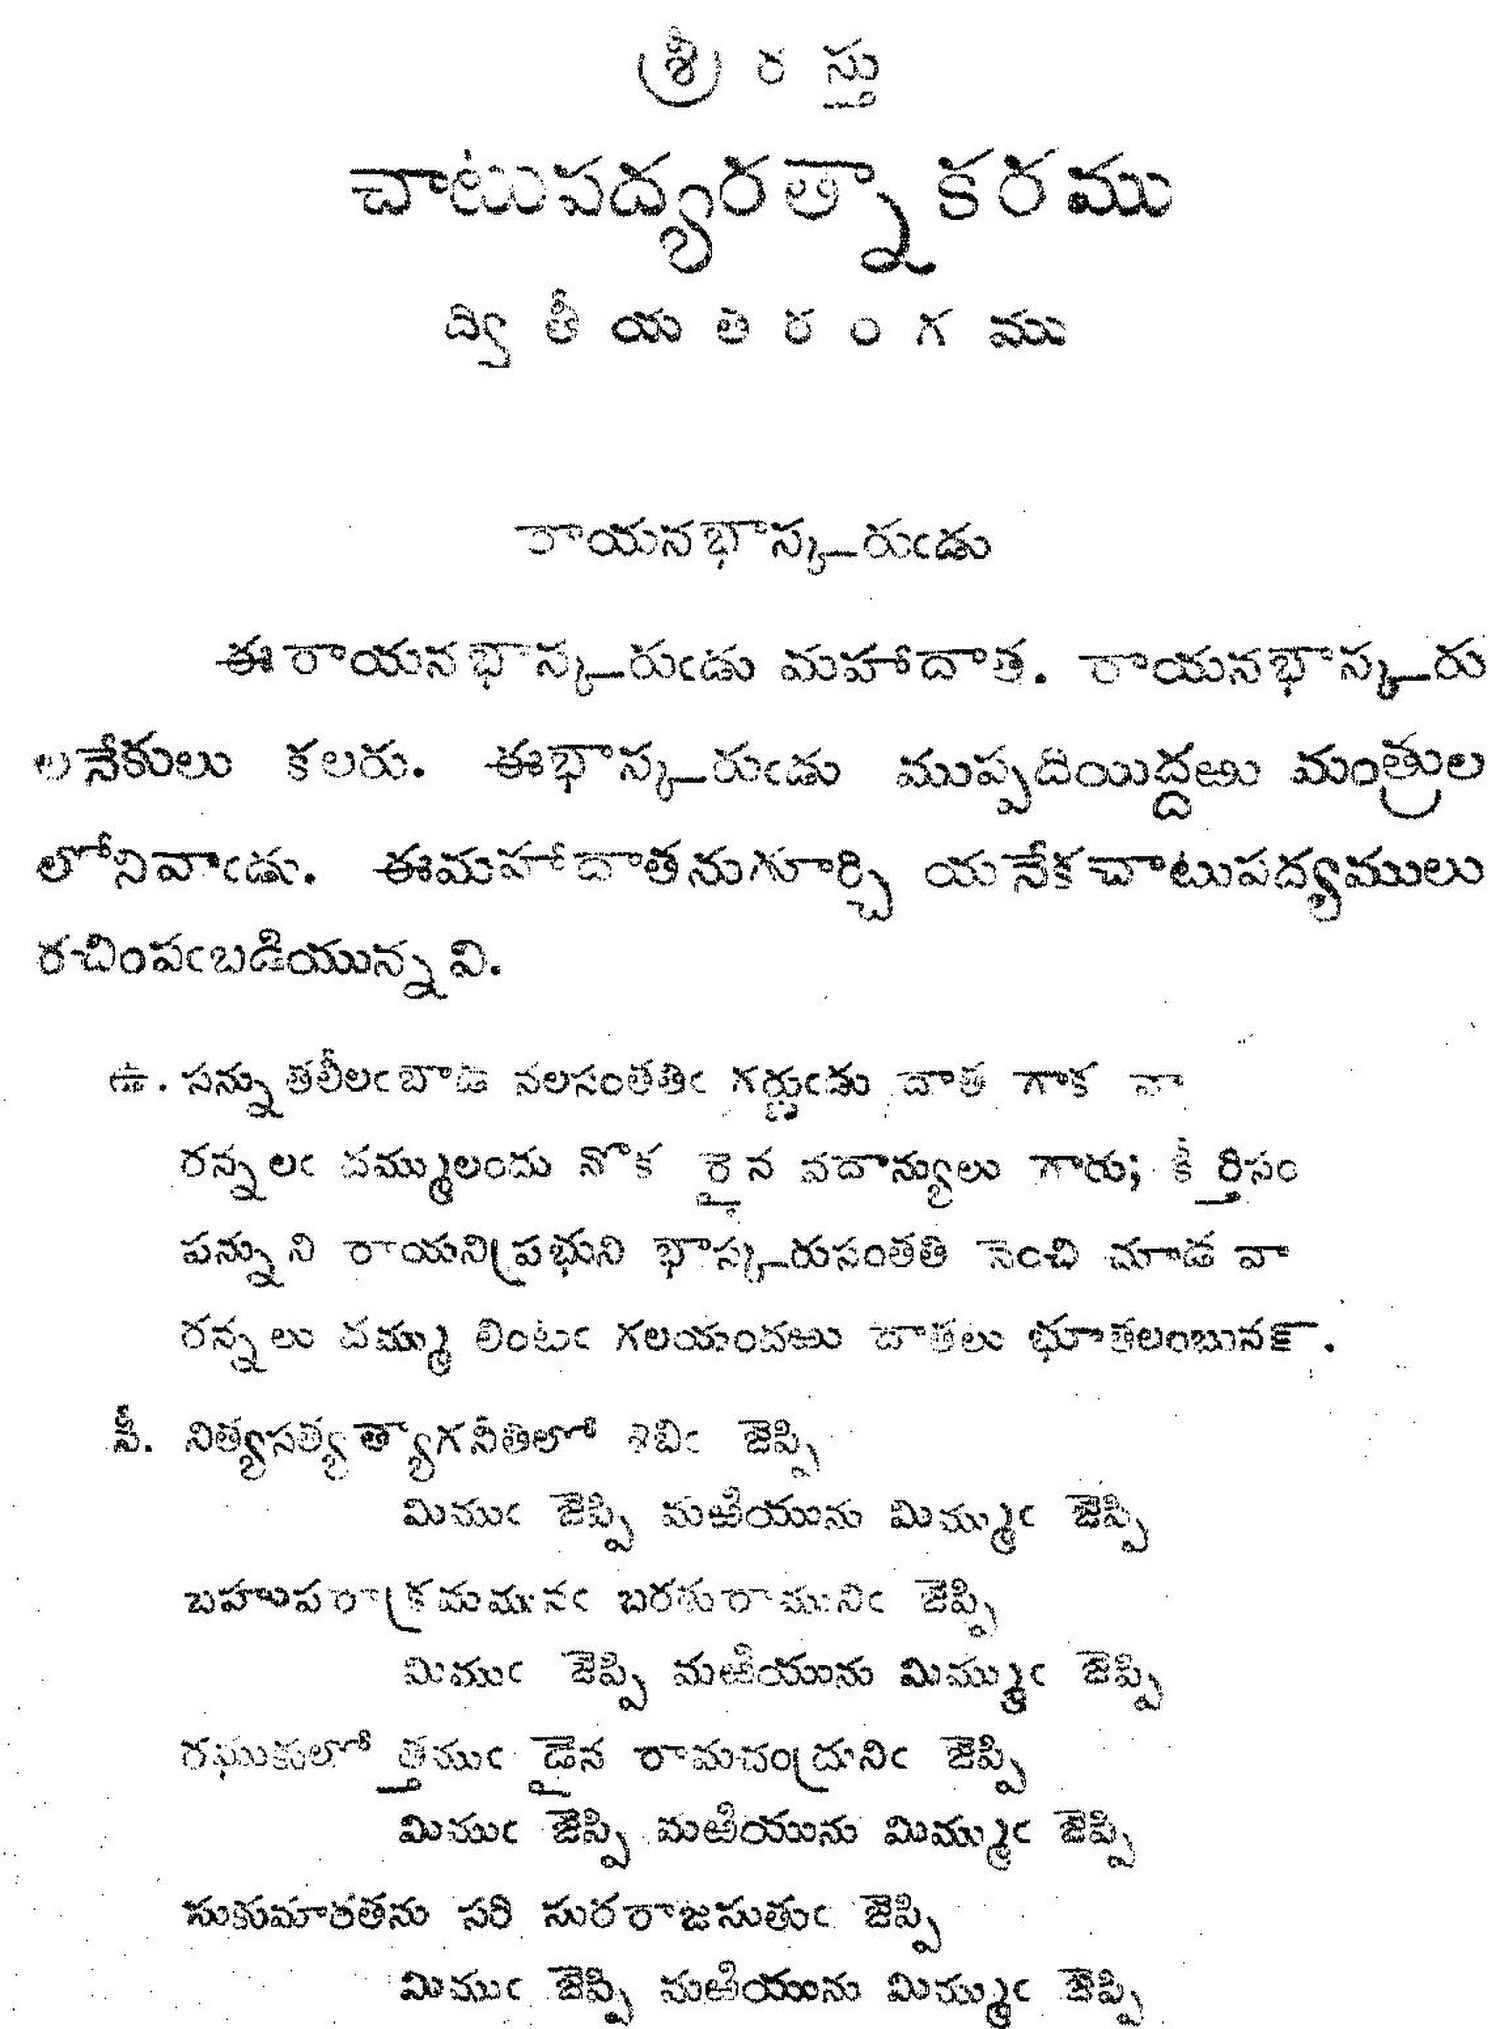ఈరాయనభాస్కరుఁడు మహాదాత. రాయనభాస్కరు లనేకులు కలరు. ఈభాస్కరుఁడు ముప్పదియిద్దఱు మంత్రులలోనివాఁడు. ఈమహాదాతనుగూర్చి యనేక చాటుపద్యములు రచింపఁబడియున్నవి.

ఉ. సన్నుతలీలఁబాడ నలసంతతిఁ గర్ణుఁడు దాత గాక వా
 రన్నలఁ దమ్ములందు నొక రైన వదాన్యులు గారు; కీర్తిసం
 పన్నుని రాయనప్రభుని భాస్కరుసంతతి నెంచి చూడ వా
 రన్నలు దమ్ము లింటఁ గలయందఱు దాతలు భూతలంబునన్.

సీ. నిత్యసత్యత్యాగనీతిలో శిబిఁ జెప్పి
 మిముఁ జెప్పి మఱియును మిమ్ముఁ జెప్పి
 బహుపరాక్రమమునఁ బరశురామునిఁ జెప్పి
 మిముఁ జెప్పి మఱియును మిమ్ముఁ జెప్పి
 రఘుకులోత్తముఁ డైన రామచంద్రునిఁ జెప్పి
 మిముఁ జెప్పి మఱియును మిమ్ముఁ జెప్పి
 సుకుమారతను సరి సురరాజసుతుఁ జెప్పి
 మిముఁ జెప్పి మఱియును మిమ్ముఁ జెప్పి